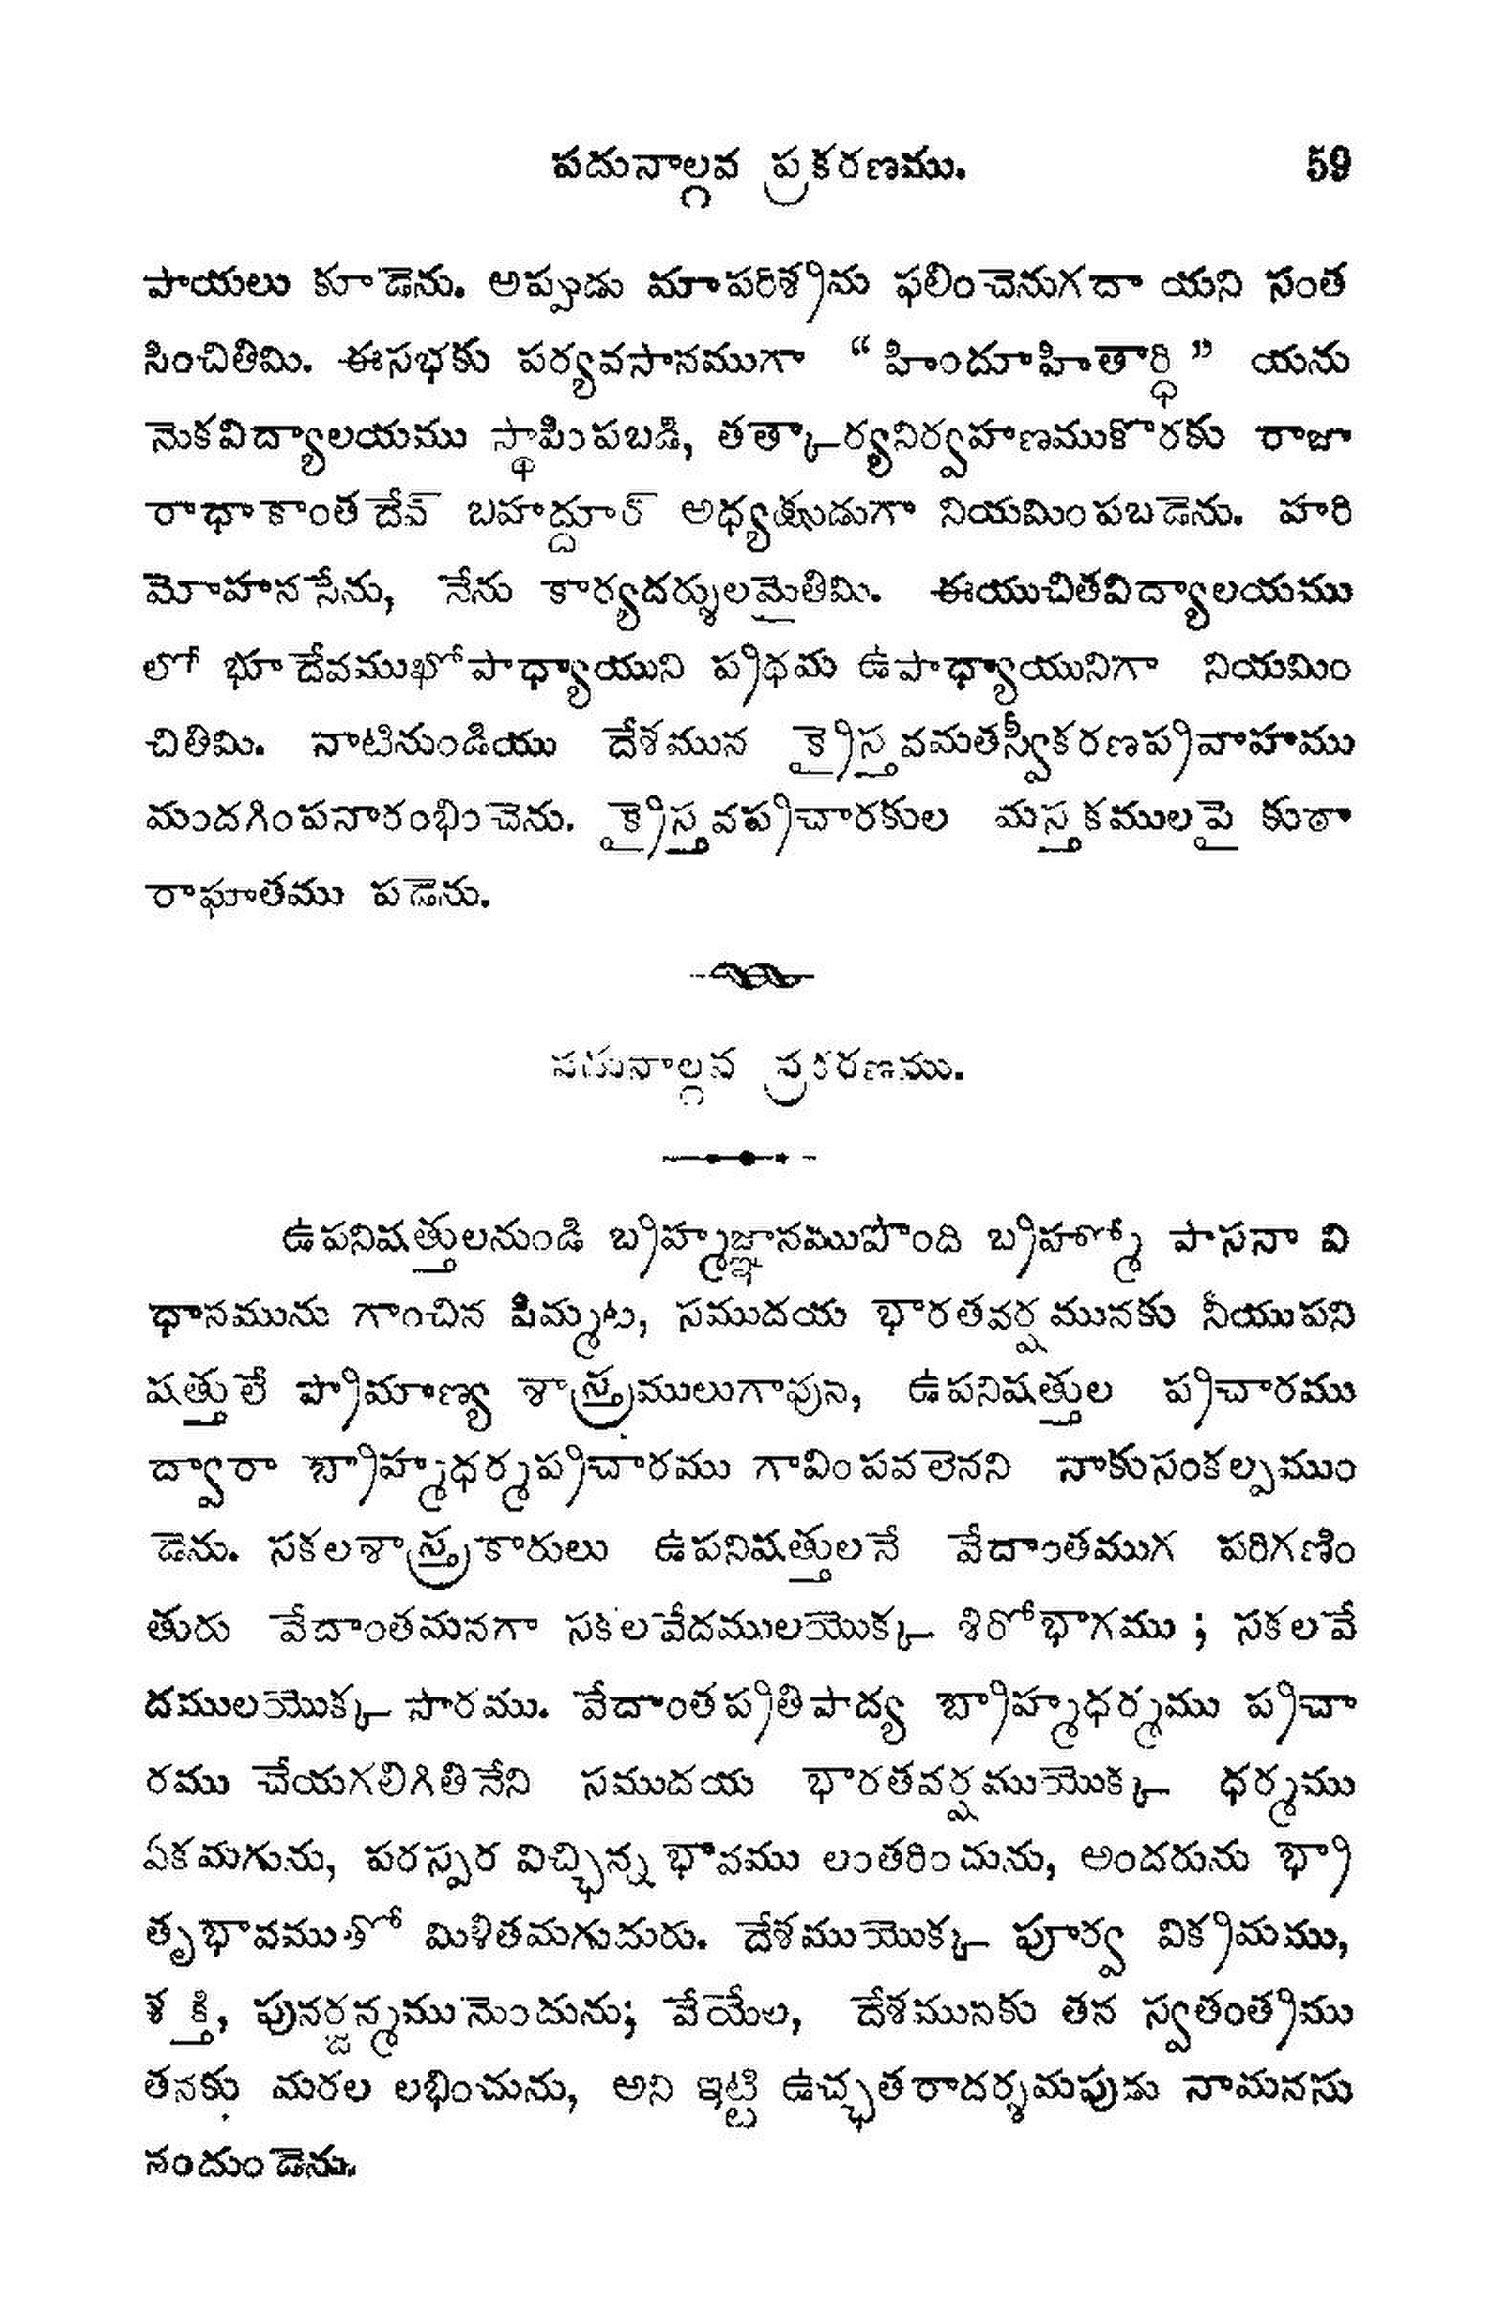పొయలు కూడెను. అప్పుడు మా పరిశ్రమ ఫలించెనుగదా యని సంత
సించితిమి. ఈ సభకు పర్యవసానముగా " హిందూ హితార్ధి'యను
ఒక విద్యాలయము స్థాపింపబడి, తత్కార్యనిర్వహణముకొరకు రాజా
రాధాకాంత దేవ్ బహద్దూర్ అధ్యక్షుడుగా నియమిం పబడెను. హరి
మోహన సేను, 'నేను కార్యదర్శులమైతిమి. ఈయుచిత విద్యాలయము
లో భూ దేవముఖోపాధ్యాయుని ప్రథమ ఉపాధ్యాయునిగా నియమిం
చితిమి. నాటినుండియు దేశమున క్రైస్తవమత స్వీకరణ ప్రవాహము
ముదగింపనారంభించెను. క్రైస్తవప్ర చారకుల మస్తకముల పై కుఠా
రాఘాతము పడెను.

ఉపనిషత్తులనుండి బ్రహ్మజ్ఞానము పొంది బ్రహ్మోపాసనా విధానమును గాంచిన 
పిమ్మట, సముదయ భారతవర్షమునకు నీయుపనిషత్తులే ప్రామాణ్య శాస్త్రములు
 గావున, ఉపనిషత్తుల ప్రచారము ద్వారా అహ్మధర్మప్రచారము గావింపవలెనని 
నాకు సంకల్ప ముండెను. సకలశాస్త్ర కారులు ఉపనిషత్తులనే వేదాంతముగ 
పరిగణింతురు వేదాంతమనగా సకల వేదముల యొక్క శిరోభాగము ; సకలవే
దముల యొక్క సొరము. 'వేదాంత ప్రతిపాద్య బాహ్మధర్మము ప్రచారము చేయగలిగితినేని సముదయ భారతవర్షము యొక్క ధర్మముఏకమగును, పరస్పర విచ్ఛిన్న భావము లంతరించును, అందరును భాతృభావముతో మిళితమగుదురు. దేశము యొక్క పూర్వ విక్రమము,శక్తి, పునర్జన్మము మొందును; వేయేల, దేశములకు తన స్వతంత్రము తనకు మరల లభించును, అని ఇట్టి ఉచ్ఛత రాదర్శమపును నామనసు
నందుండెను